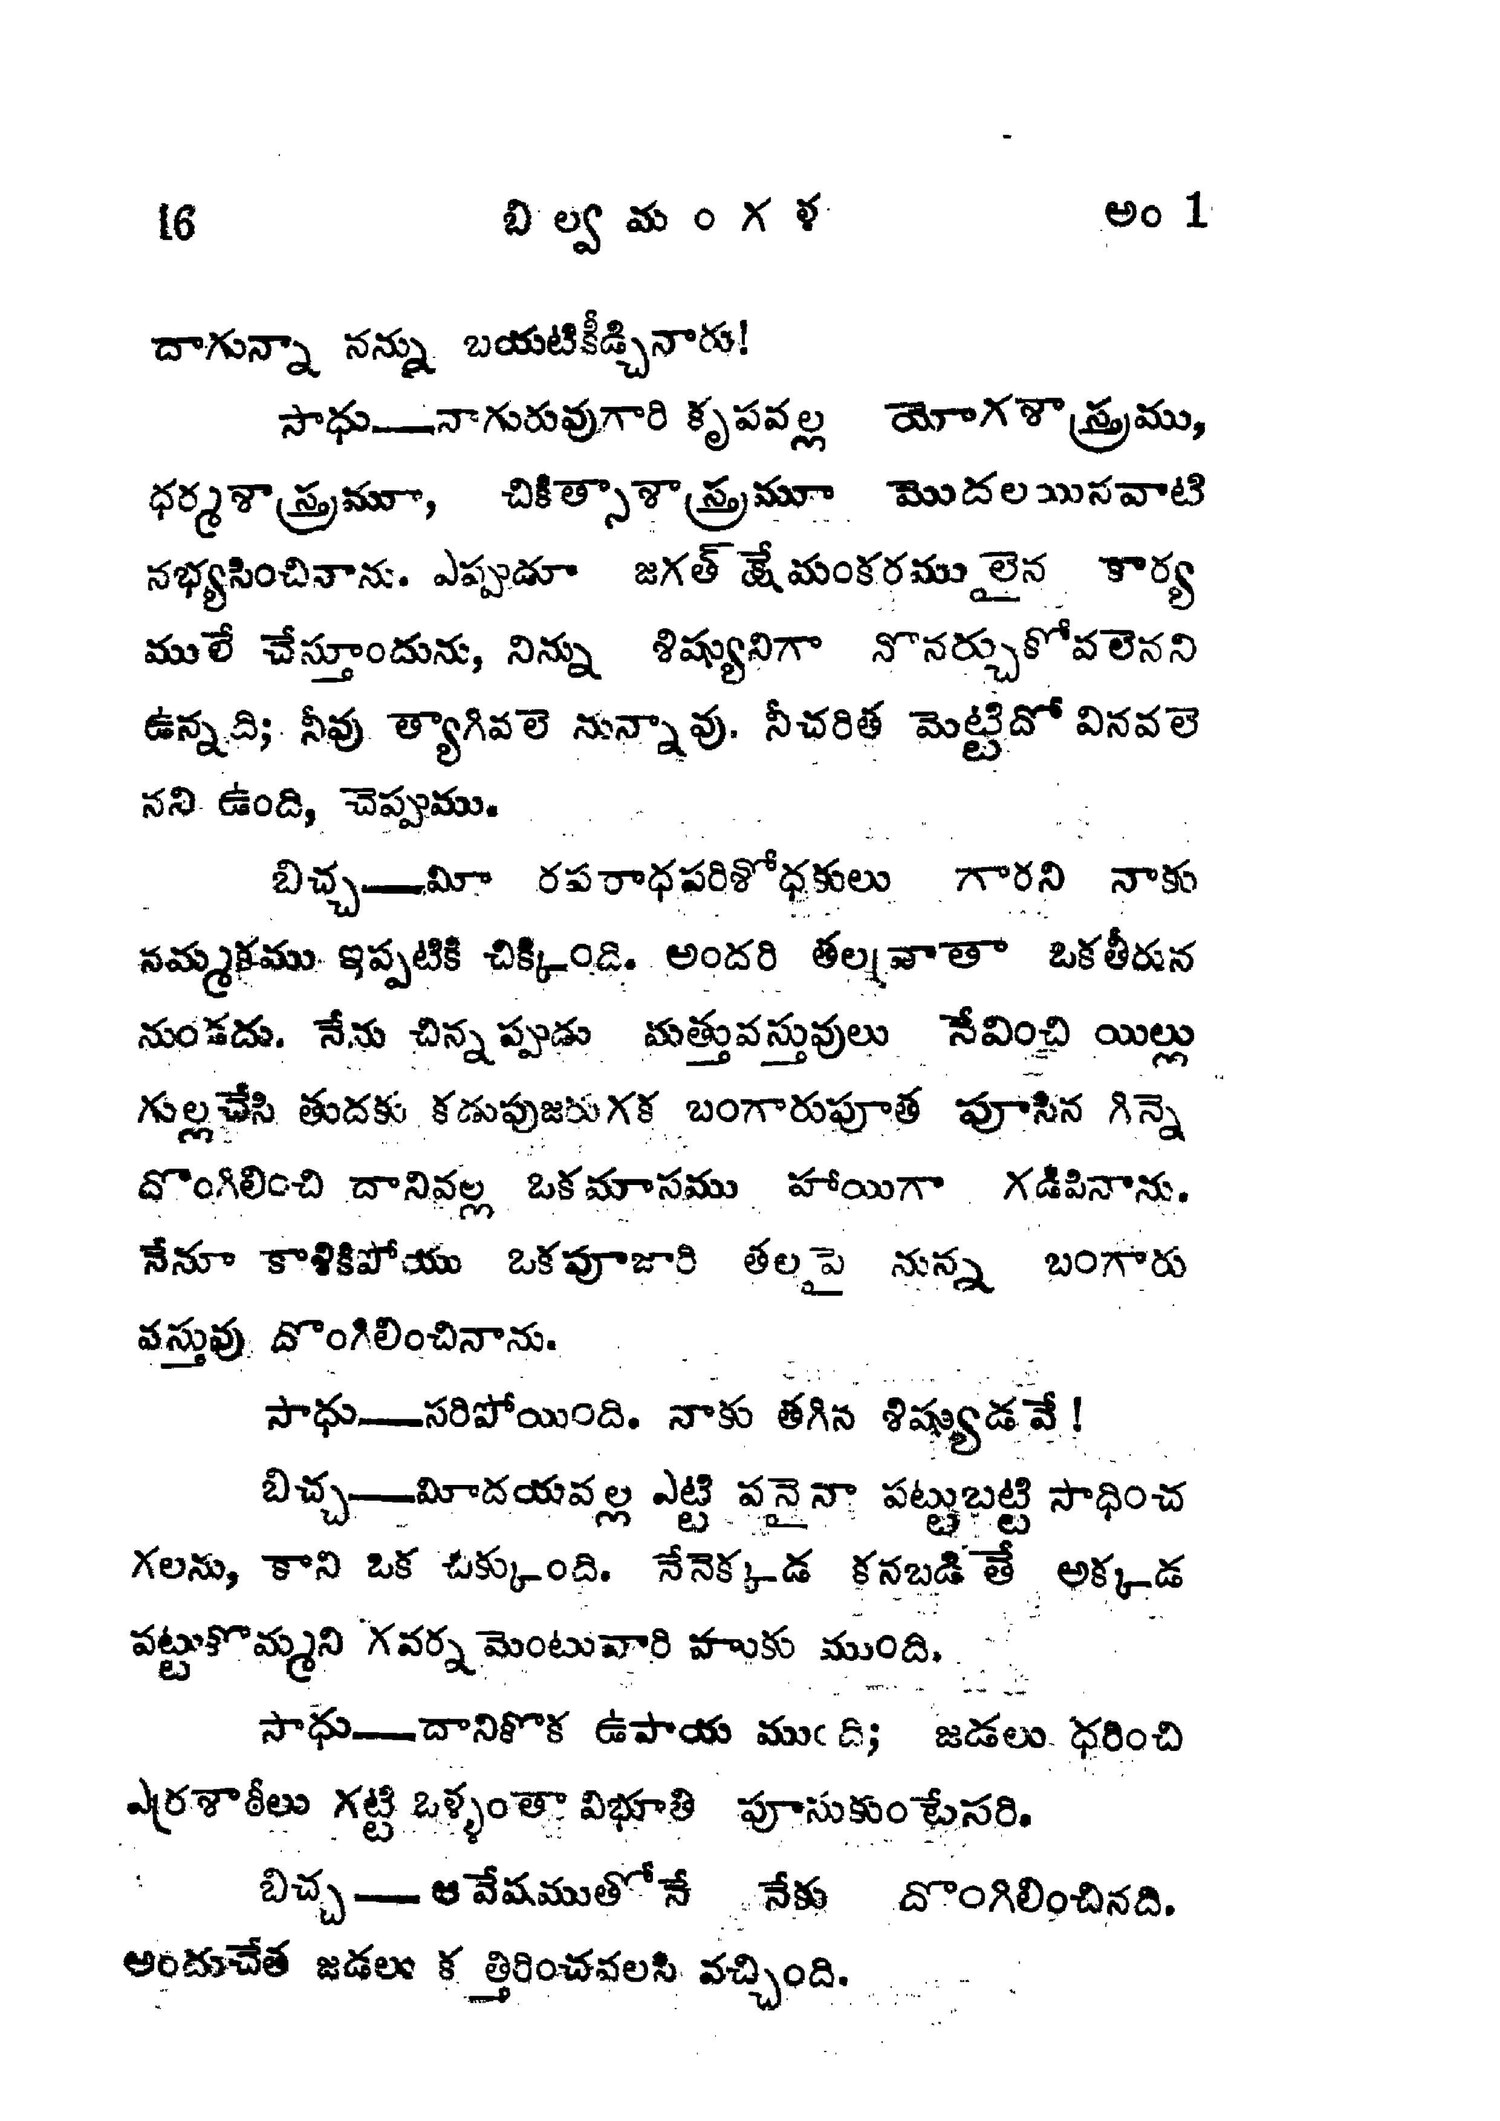దాగున్నా నన్ను బయటికీడ్చినారు!

సాధు - నాగురువుగారి కృపవల్ల యోగశాస్త్రము, ధర్మశాస్త్రమూ, చికిత్సాశాస్త్రమూ మొదలయినవాటి నభ్యసించినాను. ఎప్పుడూ జగత్‌క్షేమంకరములైన కార్యములే చేస్తూందును, నిన్ను శిష్యునిగా నొనర్చుకోవలెనని ఉన్నది; నీవు త్యాగివలె నున్నావు. నీచరిత మెట్టిదో వినవలెనని ఉంది, చెప్పుము.

బిచ్చ - మీ రపరాధపరిశోధకులు గారని నాకు నమ్మకము ఇప్పటికి చిక్కింది. అందరి తలవ్రాతా ఒకతీరున నుండదు. నేను చిన్నప్పుడు మత్తువస్తువులు సేవించి యిల్లు గుల్లచేసి తుదకు కడుపుజరుగక బంగారుపూత పూసిన గిన్నె దొంగిలించి దానివల్ల ఒకమాసము హాయిగా గడిపినాను. నేను కాశికిపోయి ఒకపూజారి తలపై నున్న బంగారు వస్తువు దొంగిలించినాను.

సాధు - సరిపోయింది. నాకు తగిన శిష్యుడవే!

బిచ్చ - మీదయవల్ల ఎట్టి పనైనా పట్టుబట్టి సాధించగలను, కాని ఒక చిక్కుంది. నేనెక్కడ కనబడితే అక్కడ పట్టుకొమ్మని గవర్నమెంటువారి హుకు ముంది.

సాధు - దానికొక ఉపాయ ముంది; జడలు ధరించి ఎర్రశారీలు గట్టి ఒళ్ళంతా విభూతి పూసుకుంటేసరి.

బిచ్చ - ఆవేషముతోనే నేను దొంగిలించినది. అందుచేత జడలు కత్తిరించవలసి వచ్చింది.